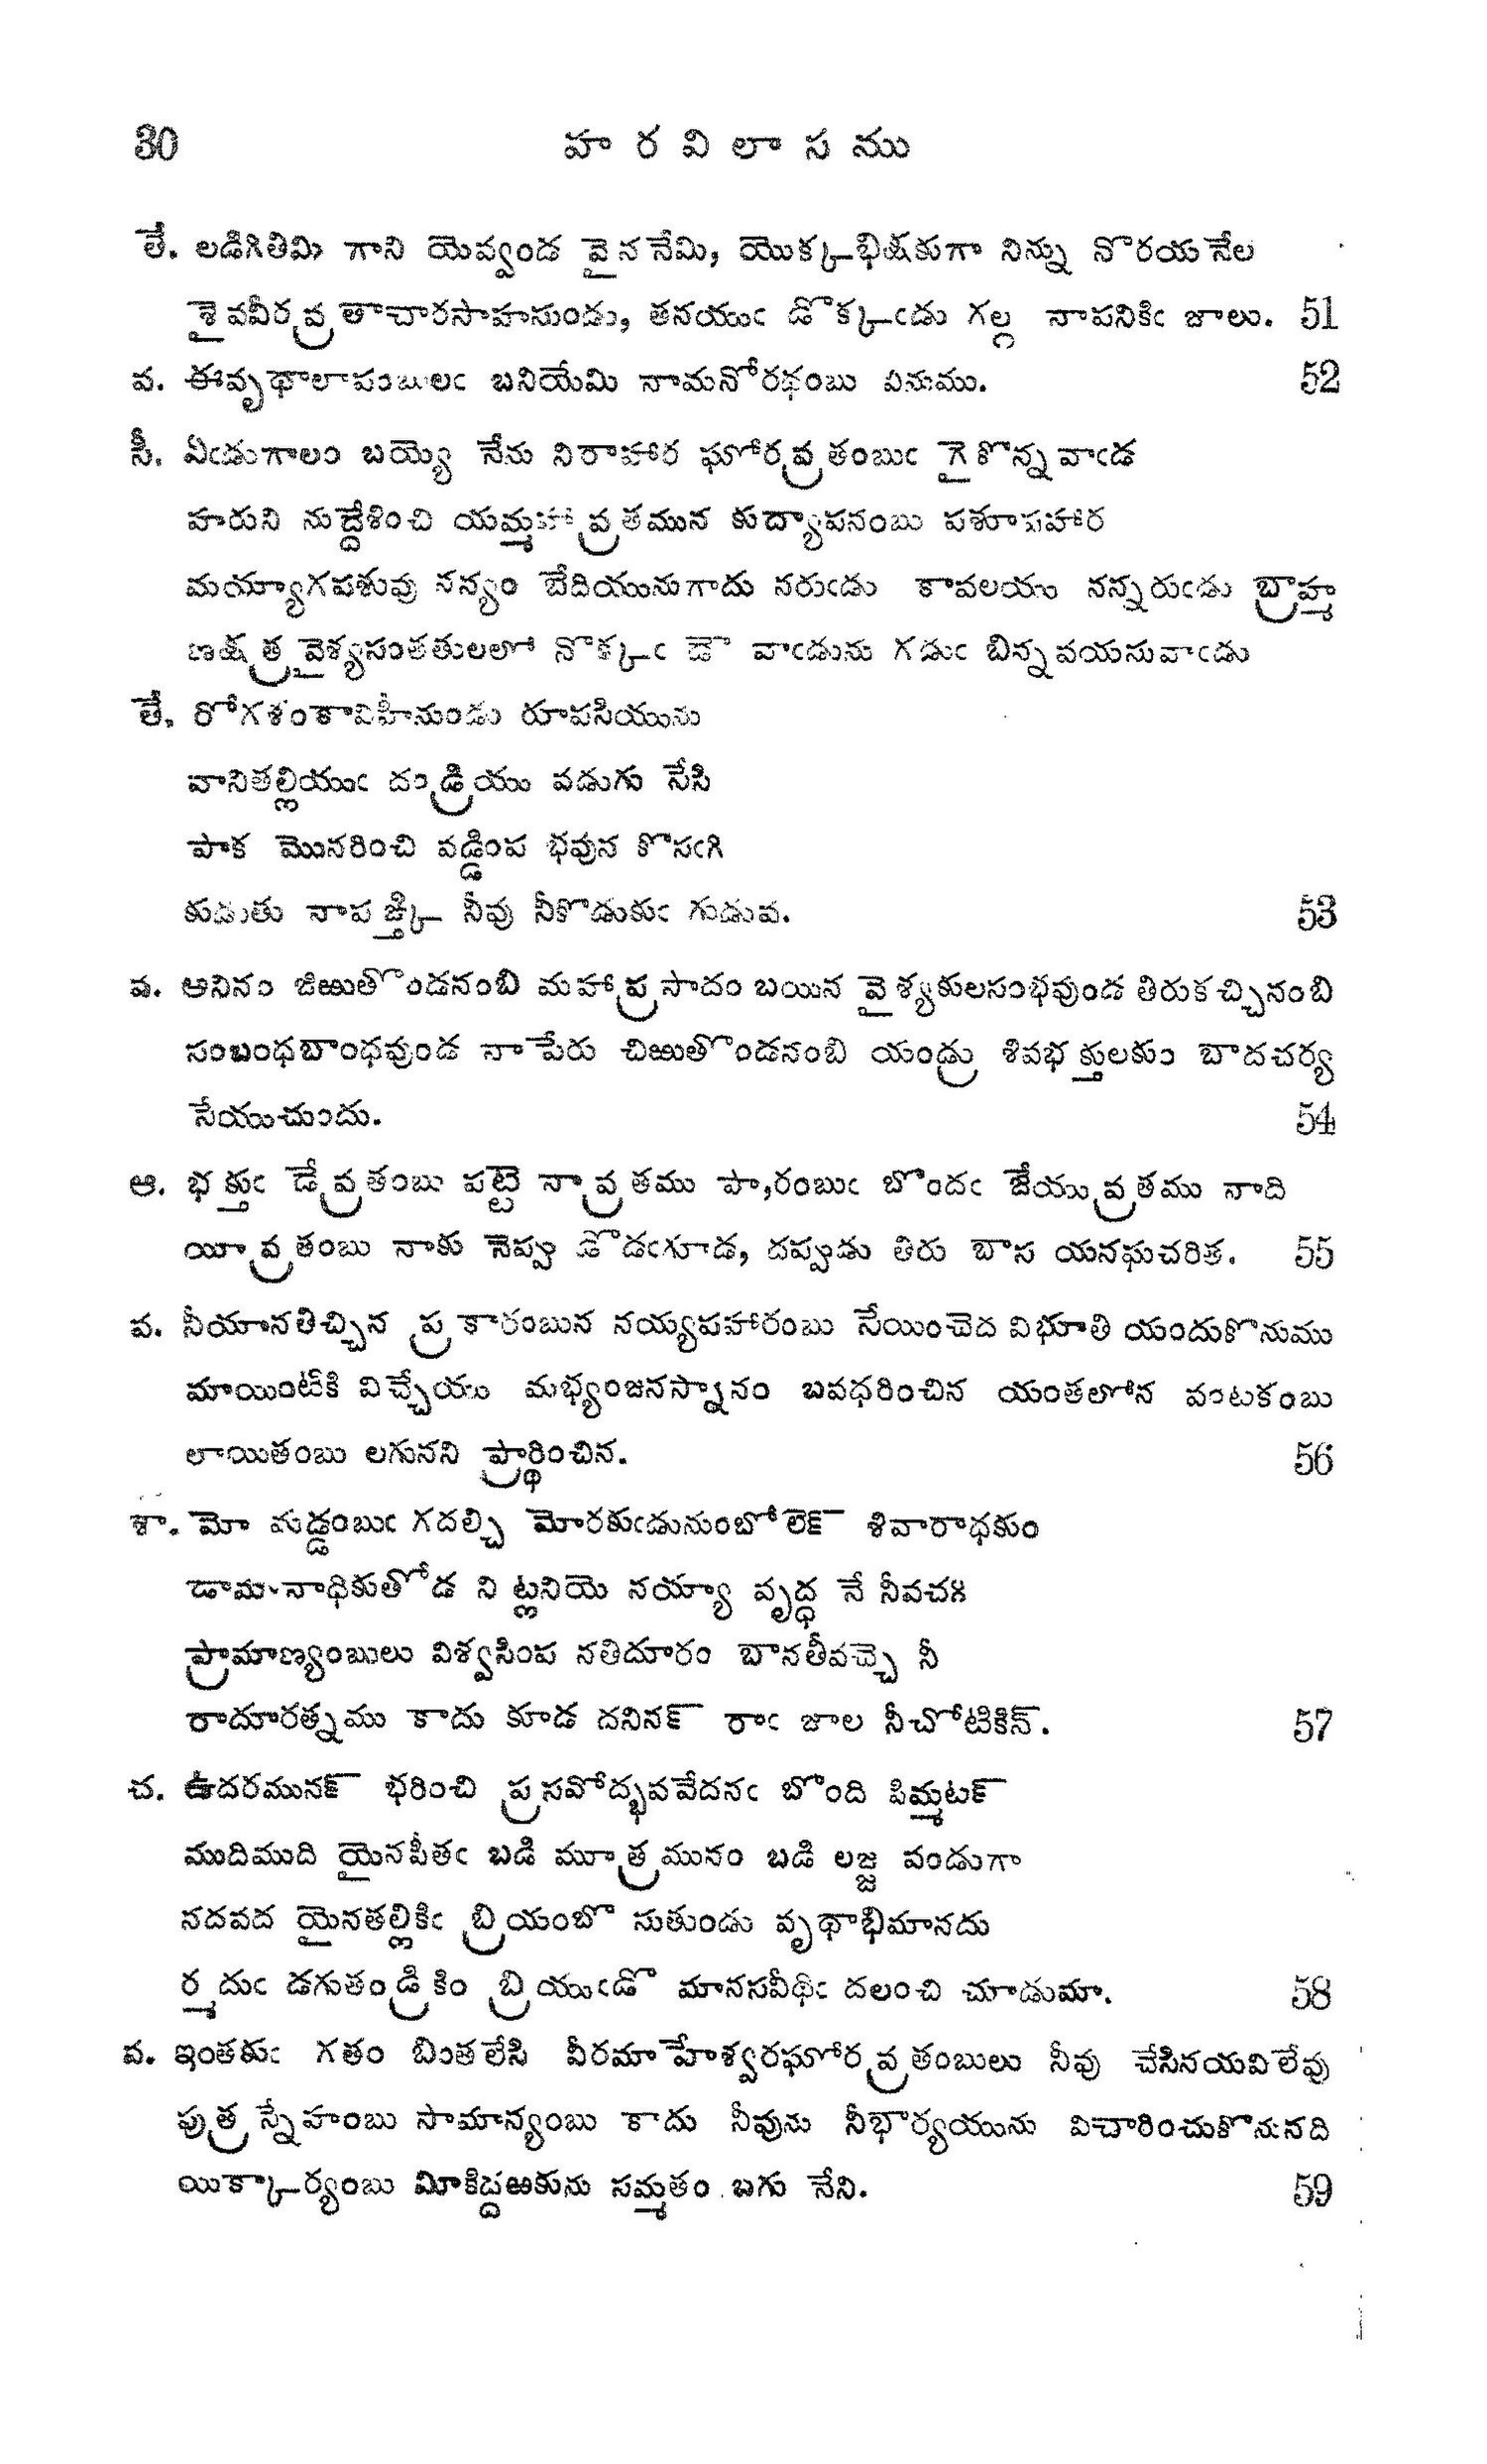తే. లడిగితిమి గాని యెవ్వండ వైననేమి, యొక్కభిక్షకుగా నిన్ను నొరయనేల
శైవవీరవ్రతాచారసాహసుండు, తనయుఁ డొక్కఁడు గల్గ నాపనికిఁ జాలు. 51

వ. ఈవృథాలాపంబులఁ బనియేమి నామనోరథంబు వినుము. 52

సీ. ఏడుగాలం బయ్యె నేను నిరాహార ఘోరవ్రతంబుఁ గైకొన్నవాఁడ
హరుని నుద్దేశించి యమ్మహావ్రతమున కుద్యాపనంబు పశూపహార
మయ్యాగపశువు నన్యం బేదియును గాదు నరుఁడు కావలయు నన్నరుఁడు బ్రాహ్మ
ణక్షత్రవైశ్యసంతతులలో నొక్కఁడౌ వాఁడును గడుఁ బిన్నవయసువాఁడు
తే. రోగశంకావిహీనుండు రూపసియును
వానితల్లియుఁ దండ్రియు వడుగు సేసి
పాక మొనరించి వడ్డింప భవున కొసఁగి
కుడుతు నాపఙ్క్తి నీవు నీకొడుకుఁ గుడువ. 53

వ. అనినం జిఱుతొండనంబి మహాప్రసాదం బయిన వైశ్యకులసంభవుండ తిరుకచ్చినంబి సంబంధబాంధవుండ నాపేరు చిఱుతొండనంబి యండ్రు శివభక్తులకుం బాదచర్య సేయుచుందు. 54

ఆ. భక్తుఁ డేవ్రతంబు పట్టె నావ్రతము పా, రంబుఁ బొందఁ జేయువ్రతము నాది
యీవ్రతంబు నాకు నెప్పు డొడఁగూడ, దప్పుడు తిరుబాస యనఘచరిత. 55

వ. నీ యానతిచ్చినప్రకారంబున నయ్యపహారంబు సేయించెద విభూతి యందుకొనుము మాయింటికి విచ్చేయు మభ్యంజనస్నానం బవధరించిన యంతలోన వంటకంబు లాయితంబు లగునని ప్రార్థించిన. 56

శా. మో మడ్డంబుఁ గదల్చి మోరకుఁడునుంబోలెన్ శివారాధకుం
డామానాధికుతోడ ని ట్లనియె నయ్యా వృద్ధ నే నీవచః
ప్రామాణ్యంబులు విశ్వసింప నతిదూరం బానతీవచ్చె నీ
రాదూరత్నము కాదు కూడ దనినన్ రాఁ జాల నీచోటికిన్. 57

చ. ఉదరమునన్ భరించి ప్రసవోద్భవవేదనఁ బొంది పిమ్మటన్
ముదిముది యైనసీతఁ బడి మూత్రమునం బడి లజ్జ పండుగా
నదవద యైనతల్లికిఁ బ్రియంబొ సుతుండు వృథాభిమానదు
దుర్మదుఁడగు తండ్రికిం బ్రియుఁడొ మానసవీథిఁ దలంచి చూడుమా. 58

వ. ఇంతకుఁ గతం బింతలేసి వీరమాహేశ్వరఘోరవ్రతంబులు నీవు చేసినయవి లేవు పుత్రస్నేహంబు సామాన్యంబు కాదు నీవును నీభార్యయును విచారించుకొనునది యిక్కార్యంబు మీకిద్దఱకును సమ్మతం బగు నేని. 59